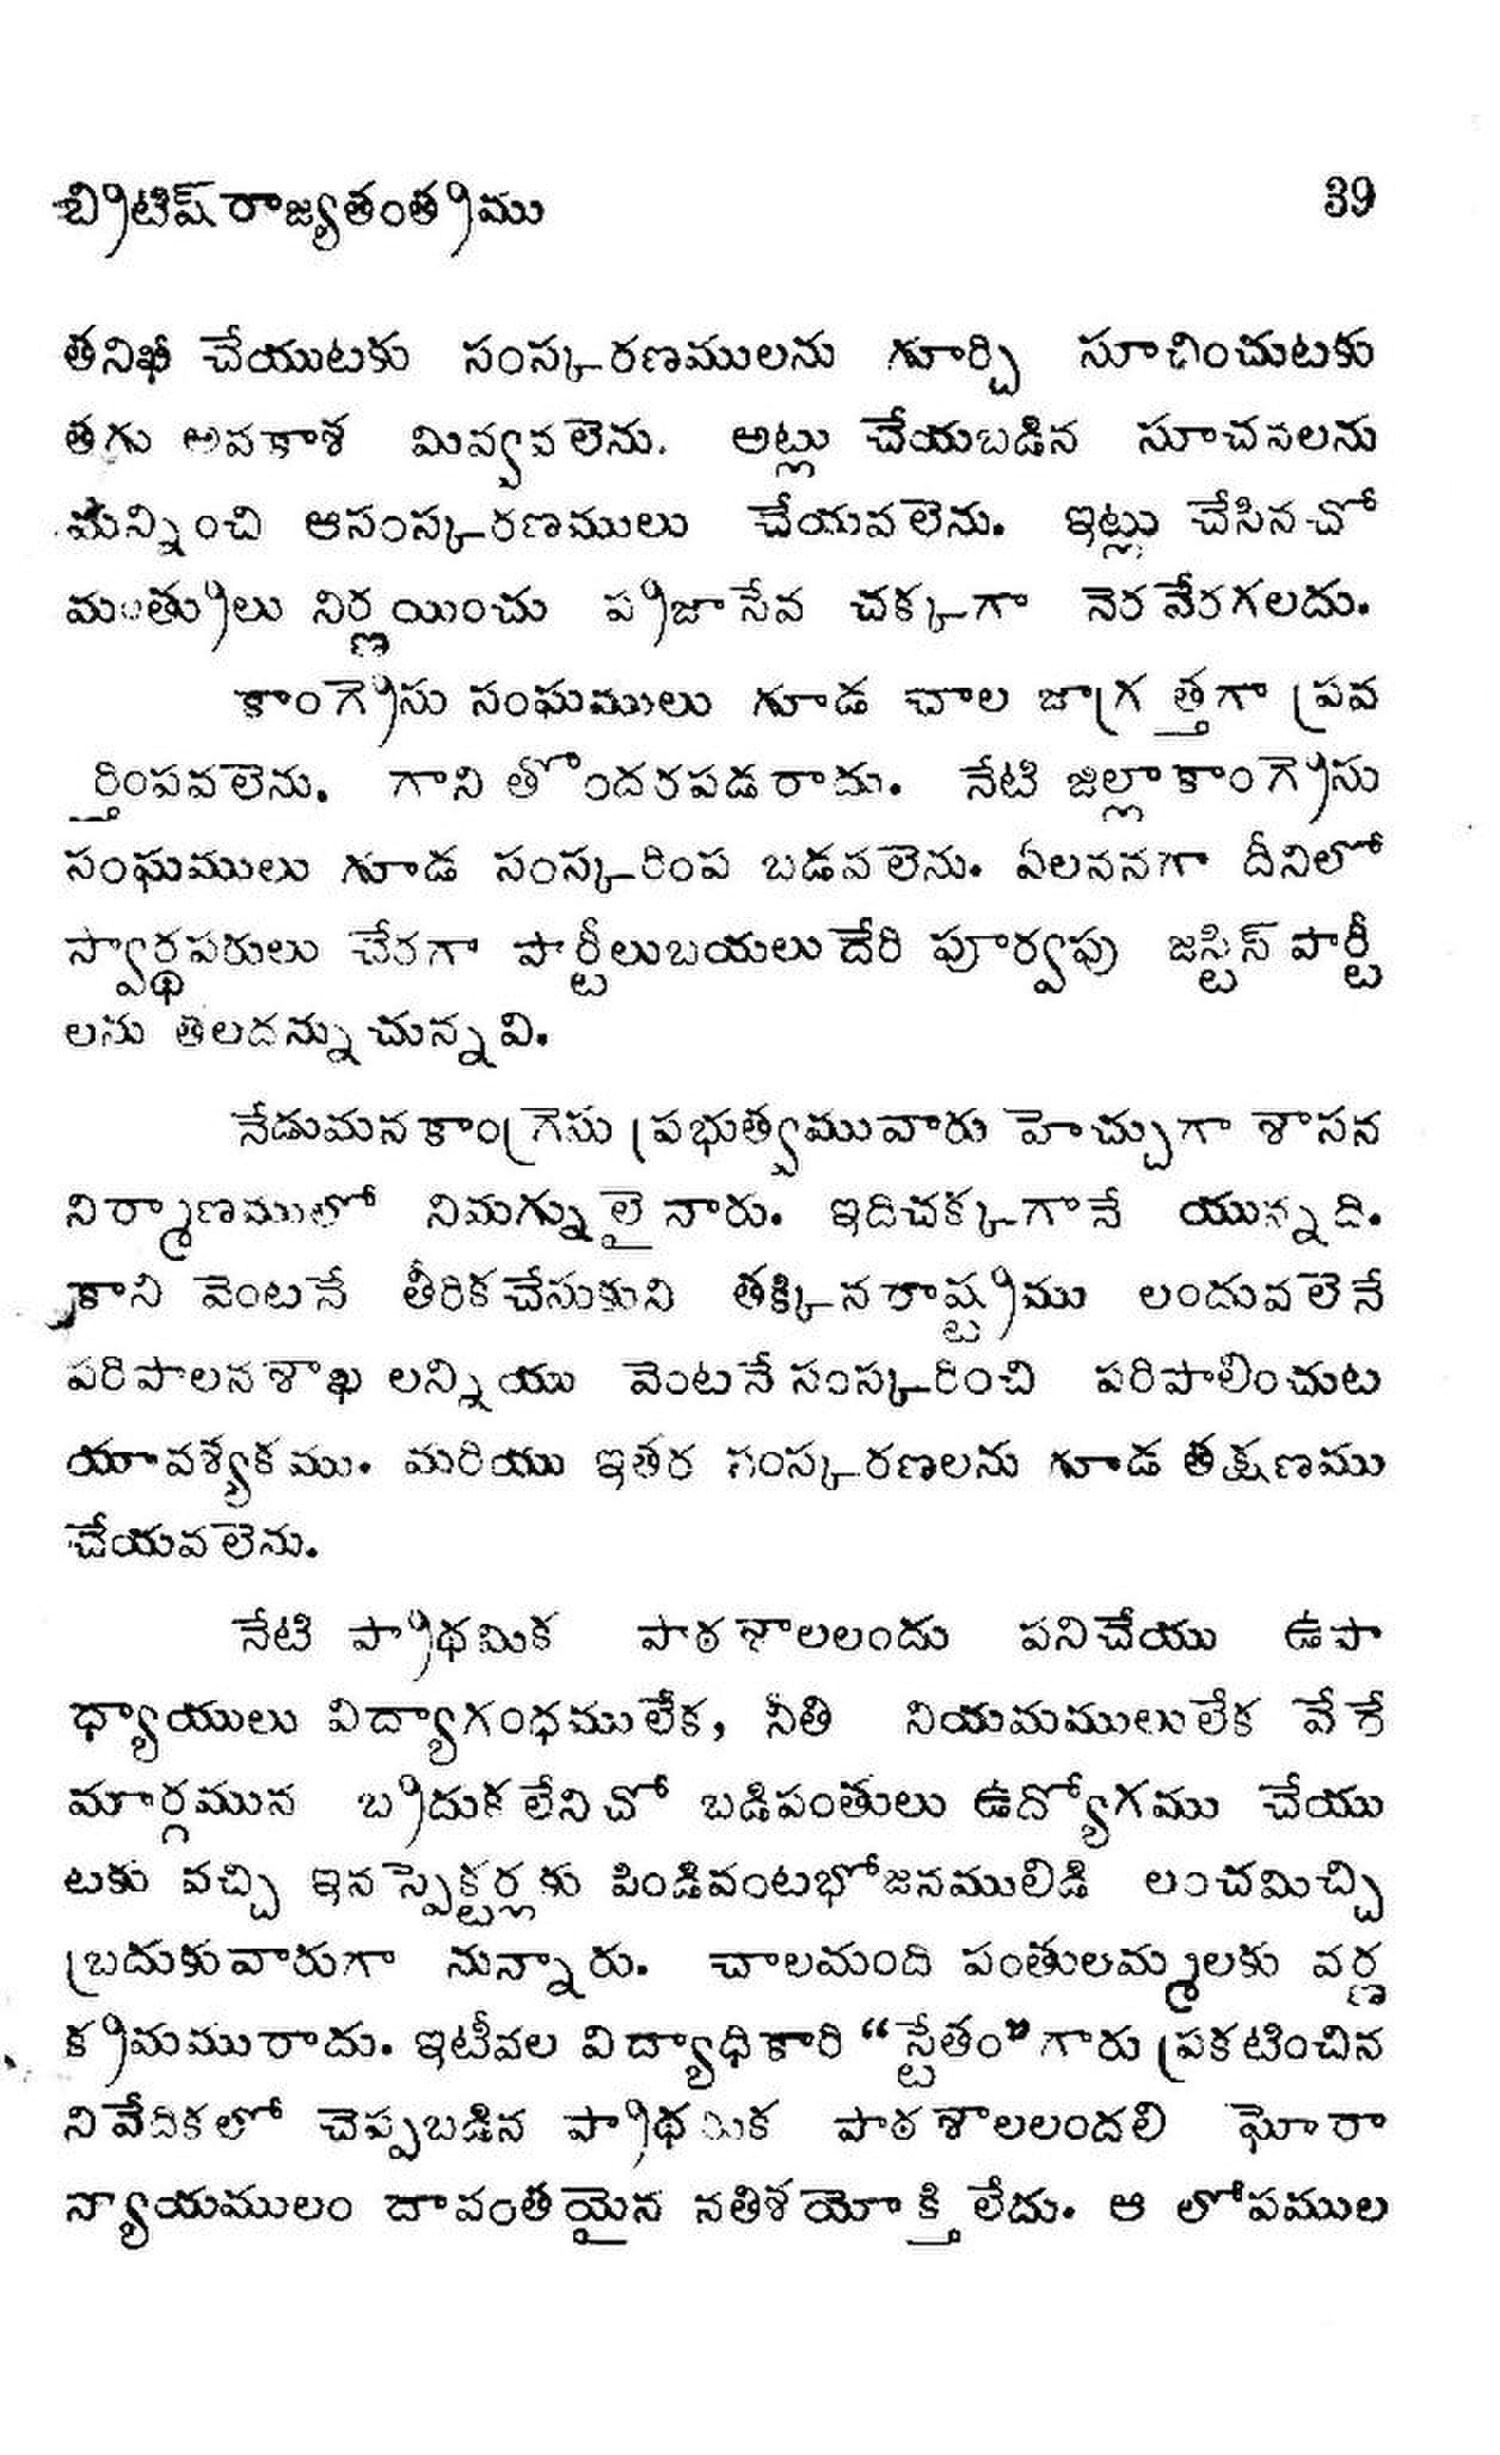తనిఖీ చేయుటకు సంస్కరణములను గూర్చి సూచించుటకు తగు అవకాశ మివ్వవలెను. అట్లు చేయబడిన సూచనలను మన్నించి ఆసంస్కరణములు చేయవలెను. ఇట్లు చేసినచో మంత్రులు నిర్ణయించు ప్రజాసేవ చక్కగా నెరవేరగలదు.

కాంగ్రెసు సంఘములు గూడ చాల జాగ్రత్తగా ప్రవర్తింపవలెను. గాని తొందరపడరాదు. నేటి జిల్లా కాంగ్రెసు సంఘములు గూడ సంస్కరింప బడవలెను. ఏలననగా దీనిలో స్వార్థపరులు చేరగా పార్టీలుబయలుదేరి పూర్వపు జస్టిస్ పార్టీలను తలదన్ను చున్నవి.

నేడుమనకాంగ్రెసు ప్రభుత్వమువారు హెచ్చుగా శాసననిర్మాణములో నిమగ్నులైనారు. ఇదిచక్కగానే యున్నది. కాని వెంటనే తీరికచేసుకుని తక్కినరాష్ట్రము లందువలెనే పరిపాలనశాఖ లన్నియు వెంటనే సంస్కరించి పరిపాలించుట యావశ్యకము. మరియు ఇతర సంస్కరణలను గూడ తక్షణము చేయవలెను.

నేటి ప్రాథమిక పాఠశాలలందు పనిచేయు ఉపాధ్యాయులు విద్యాగంధములేక, నీతి నియమములులేక వేరే మార్గమున బ్రదుకలేనిచో బడిపంతులు ఉద్యోగము చేయుటకు వచ్చి ఇనస్పెక్టర్లకు పిండివంటభోజనములిడి లంచమిచ్చి
బ్రదుకువారుగా నున్నారు. చాలమంది పంతులమ్మలకు వర్ణక్రమమురాదు. ఇటీవల విద్యాధికారి “ స్టేతం” గారు ప్రకటించిన నివేదికలో చెప్పబడిన ప్రాథమిక పాఠశాలలందలి ఘోరాన్యాయములం దావంతయైన నతిశయోక్తిలేదు. ఆ లోపముల